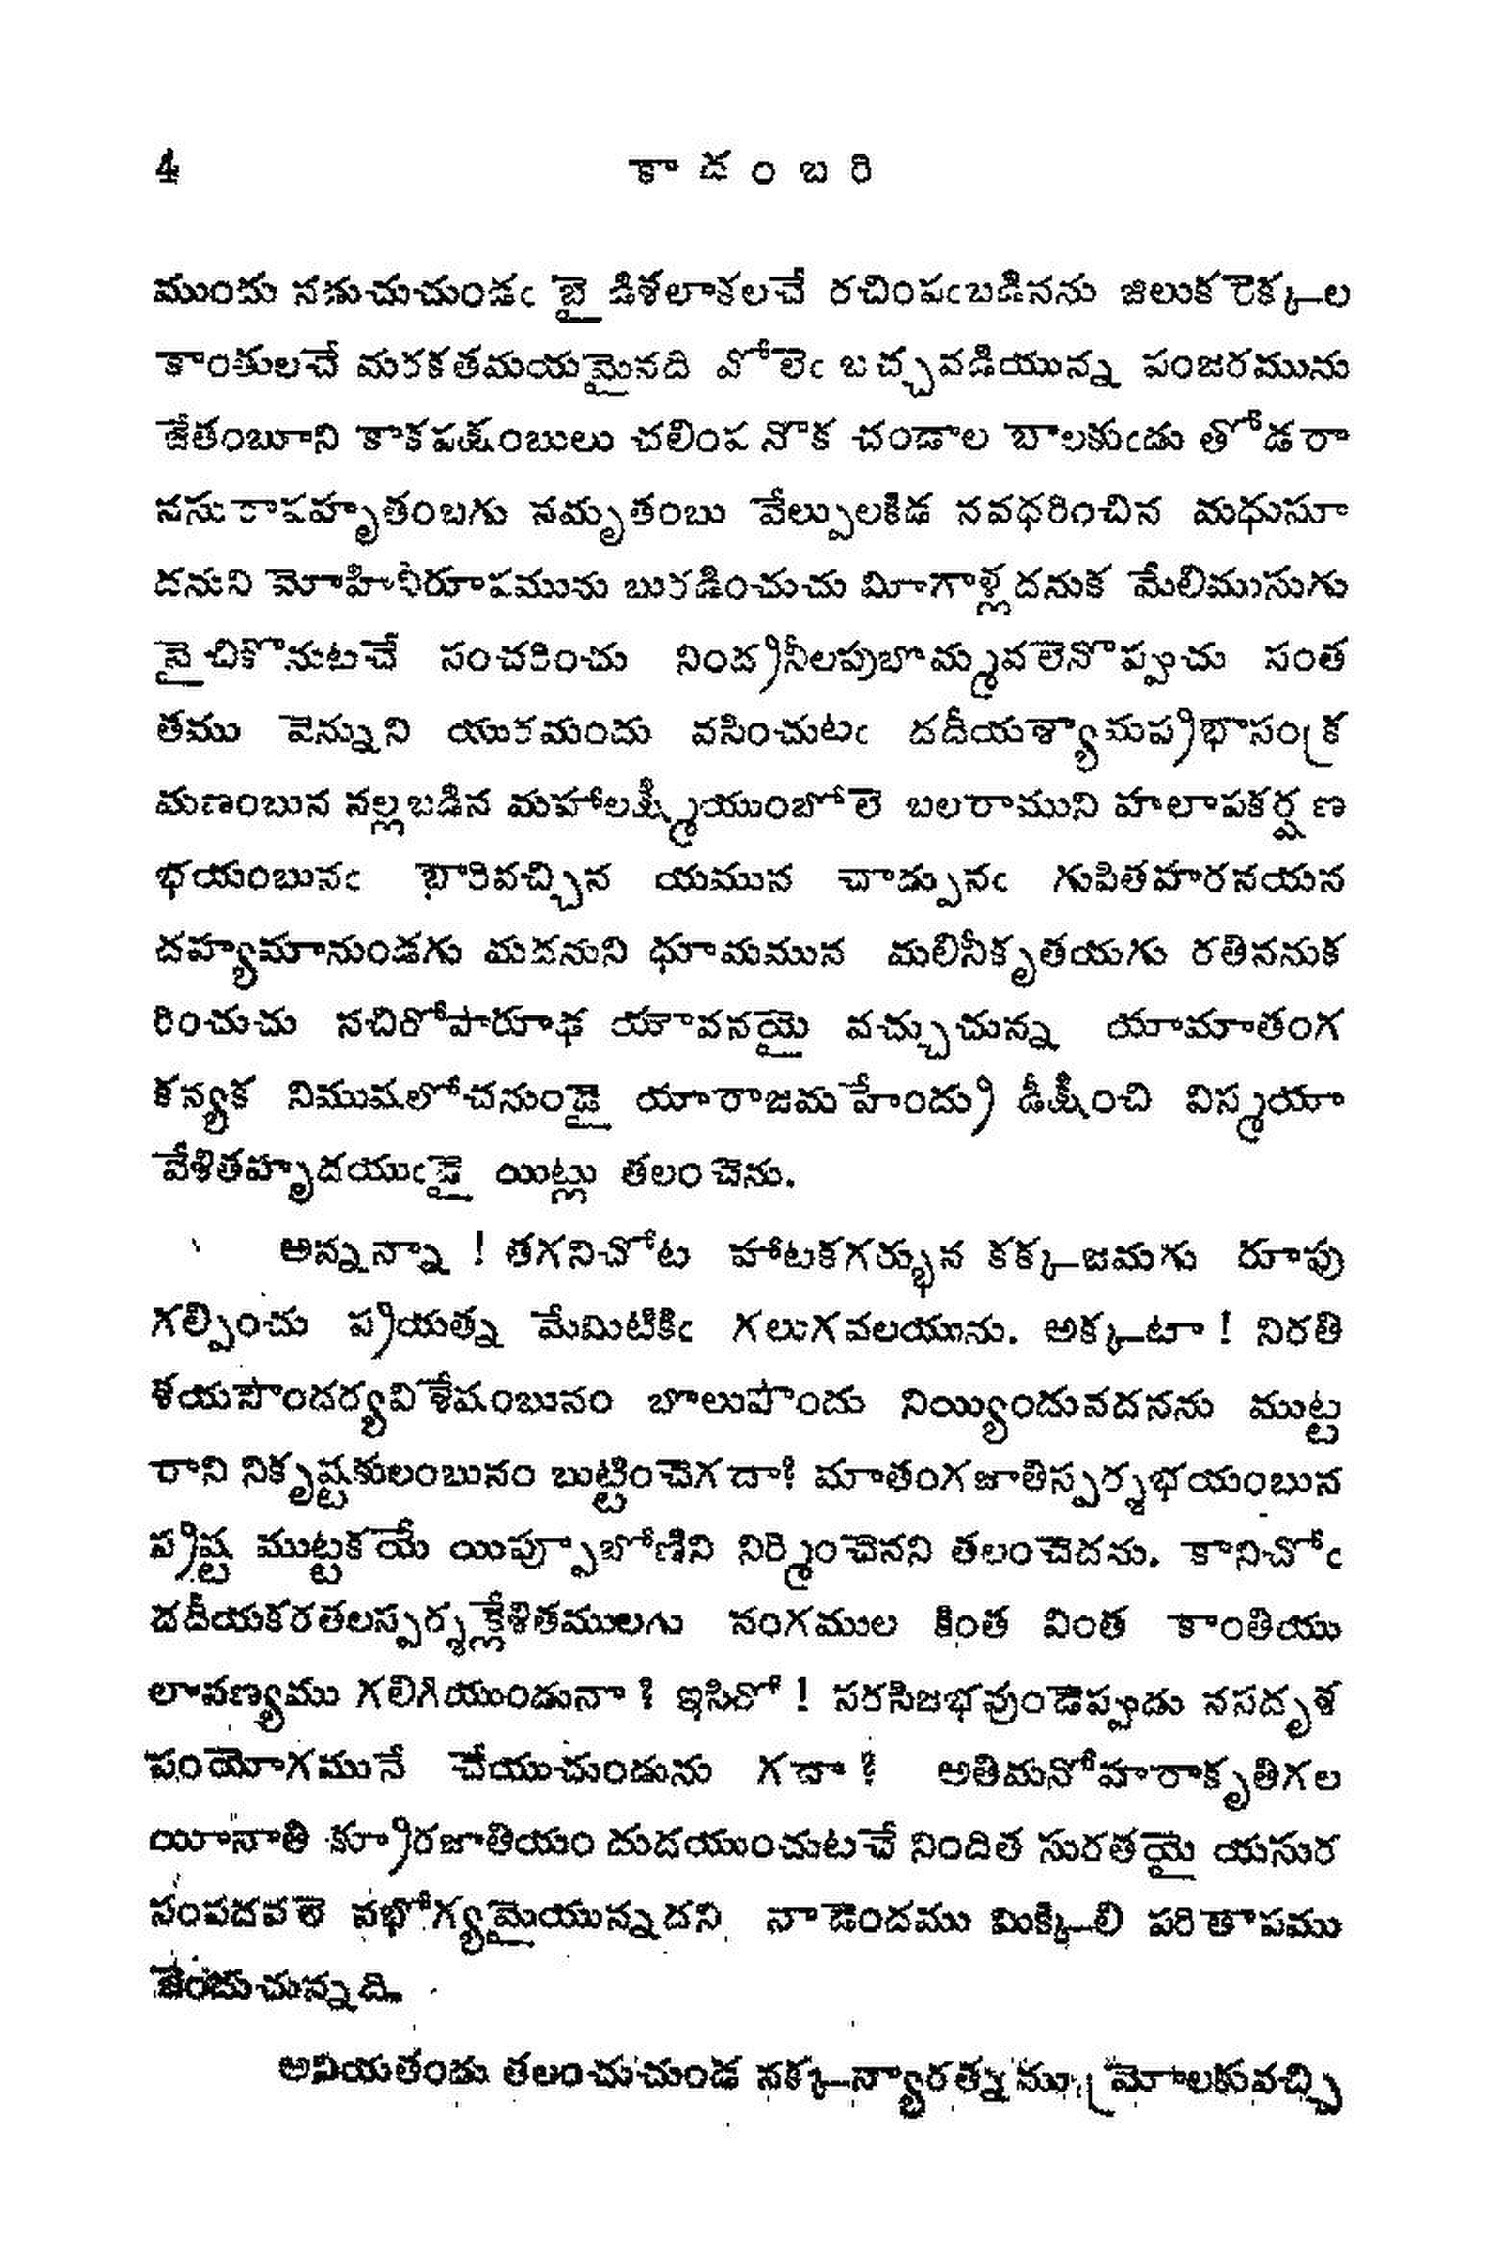ముందు నడుచుచుండఁ బైడిశలాకలచే రచింపఁబడినను జిలుకరెక్కల కాంతులచే మరకతమయమైనది వోలెఁ బచ్చవడియున్న పంజరమును జేతంబూని కాకపక్షంబులు చలింపనొక చండాల బాలకుఁడు తోడరానసురాపహృతంబగు నమృతంబు వేల్పులకిడ నవధరించిన మధుసూదనుని మోహినీరూపమును బురడించుచు మీగాళ్లదనుక మేలిముసుగు వైచికొనుటచే సంచరించు నింద్రనీలపుబొమ్మవలెనొప్పుచు సంతతము వెన్నుని యురమందు వసించుటఁ దదీయశ్యామప్రభాసంక్రమణంబున నల్లబడిన మహాలక్ష్మియుంబోలె బలరాముని హలాపకర్షణ భయంబునఁ బారివచ్చిన యమున చాడ్పునఁ గుపితహరనయన దహ్యమానుండగు మదనుని ధూమమున మలినీకృతయగు రతిననుకరించుచు నచిరోపారూఢ యౌవనయై వచ్చుచున్న యామాతంగ కన్యక నిముషలోచనుండై యారాజమహేంద్రు డీక్షించి విస్మయా వేశితహృదయుఁడై యిట్లు తలంచెను.

అన్నన్నా ! తగనిచోట హాటకగర్భున కక్కజమగు రూపు గల్పించు ప్రయత్న మేమిటికిఁ గలుగవలయును. అక్కటా ! నిరతి శయసౌందర్యవిశేషంబునం బొలుపొందు నియ్యిందువదనను ముట్టరాని నికృష్టకులంబునం బుట్టించెగదా ? మాతంగజాతిస్పర్శభయంబున ప్రష్ట ముట్టకయే యిప్పూబోణిని నిర్మించెనని తలంచెదను. కానిచోఁ దదీయకరతలస్పర్శ క్లేశితములగు నంగముల కింత వింత కాంతియు లావణ్యము గలిగియుండునా ! ఇసిరో ! సరసిజభవుండెప్పుడు నసదృశ సంయోగమునే చేయుచుండును గదా ? అతిమనోహరాకృతిగల యీనాతి క్రూరజాతియం దుదయుంచుటచే నిందిత సురతయై యసుర సంపదవలె నభోగ్యమైయున్నదని నా డెందము మిక్కిలి పరితాపము జెందుచున్నది.

అనియతండు తలంచుచుండ నక్కన్యారత్నము మ్రోలకువచ్చి